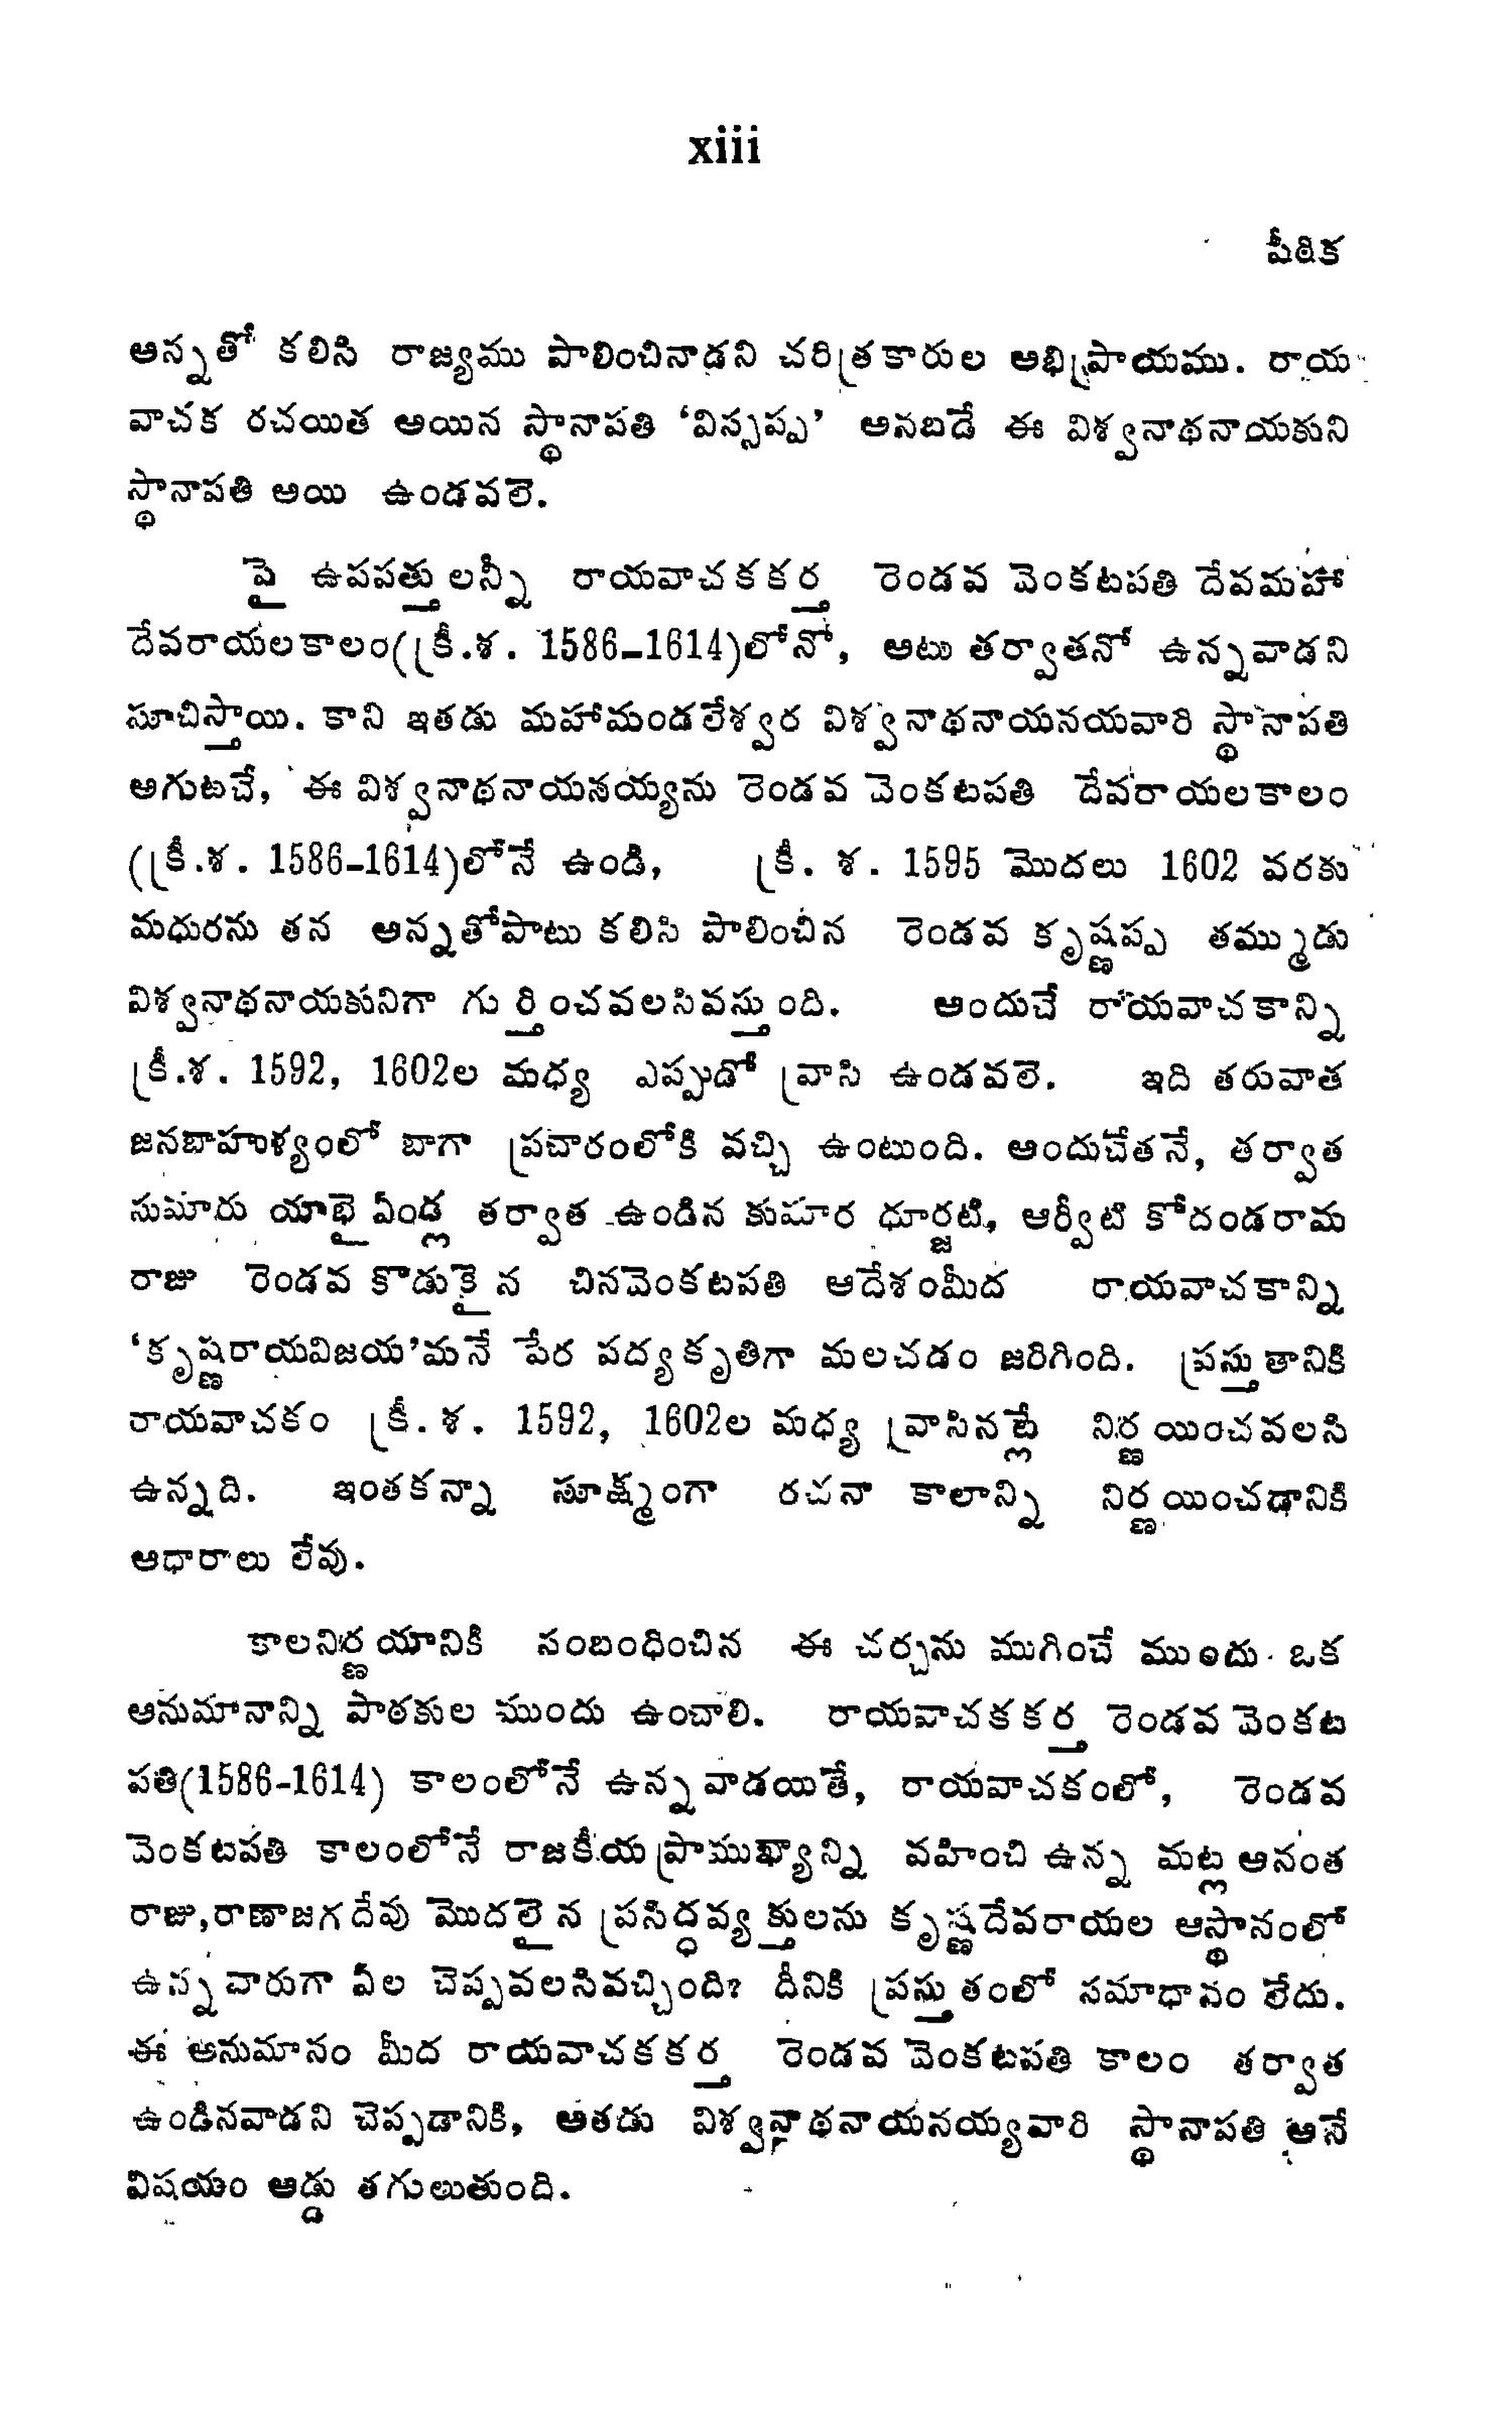అన్నతో కలిసి రాజ్యము పాలించినాడని చరిత్రకారుల అభిప్రాయము. రాయవాచక రచయిత అయిన స్థానాపతి 'విస్సప్ప' అనబడే ఈ విశ్వనాథనాయకుని స్థానాపతి అయి ఉండవలె.

పై ఉపపత్తులన్నీ రాయవాచకకర్త రెండవ వెంకటపతి దేవమహాదేవరాయలకాలం (క్రీ.శ. 1586-1614)లోనో, అటు తర్వాతనో ఉన్నవాడని సూచిస్తాయి. కాని ఇతడు మహామండలేశ్వర విశ్వనాథనాయనయవారి స్థానాపతి అగుటచే, ఈ విశ్వనాథనాయనయ్యను రెండవ వెంకటపతి దేవరాయలకాలం (క్రీ.శ. 1586-1614)లోనే ఉండి, క్రీ. శ. 1595 మొదలు 1602 వరకు మధురను తన అన్నతోపాటు కలిసి పాలించిన రెండవ కృష్ణప్ప తమ్ముడు విశ్వనాథనాయకునిగా గుర్తించవలసి వస్తుంది. అందుచే రాయవాచకాన్ని క్రీ.శ. 1592, 1602ల మధ్య ఎప్పుడో వ్రాసి ఉండవలె.ఇది తరువాత జనబాహుళ్యంలో బాగా ప్రచారంలోకి వచ్చి ఉంటుంది. అందుచేతనే సుమారు యాభై ఏండ్ల తర్వాత ఉండిన కుమార ధూర్జటి, ఆర్వీటి కోదండరామరాజు రెండవ కొడుకైన చినవెంకటపతి ఆదేశంమీద రాయవాచకాన్ని'కృష్ణరాయవిజయ'మనే పేర పద్యకృతిగా మలచడం జరిగింది. ప్రస్తుతానికి రాయవాచకం క్రీ.శ. 1592, 1602ల మధ్య వ్రాసినట్లే నిర్ణయించవలసి ఉన్నది. ఇంతకన్నా సూక్ష్మంగా రచనాకాలాన్ని నిర్ణయించడానికి ఆధారాలు లేవు.

కాలనిర్ణయానికి సంబంధించిన ఈ చర్చను ముగించే ముందు ఒక అనుమానాన్ని పాఠకులముందు ఉంచాలి. రాయవాచకకర్త రెండవ వెంకటపతి(1586-1614) కాలంలోనే ఉన్నవాడయితే, రాయవాచకంలో, రెండవ వెంకటపతి కాలంలోనే రాజకీయప్రాముఖ్యాన్ని వహించి ఉన్న మట్ల అనంతరాజు, రాణాజగదేవు మొదలైన ప్రసిద్ధవ్యక్తులను కృష్ణదేవరాయల ఆస్థానంలో ఉన్నవారుగా ఏల చెప్పవలసివచ్చింది? దీనికి ప్రస్తుతంలో సమాధానం లేదు. ఈ అనుమానంమీద రాయవాచకకర్త రెండవ వెంకటపతి కాలం తర్వాత ఉండినవాడని చెప్పడానికి, అతడు విశ్వనాథనాయనయ్యవారి స్థానాపతి అనే విషయం అడ్డు తగులుతుంది.